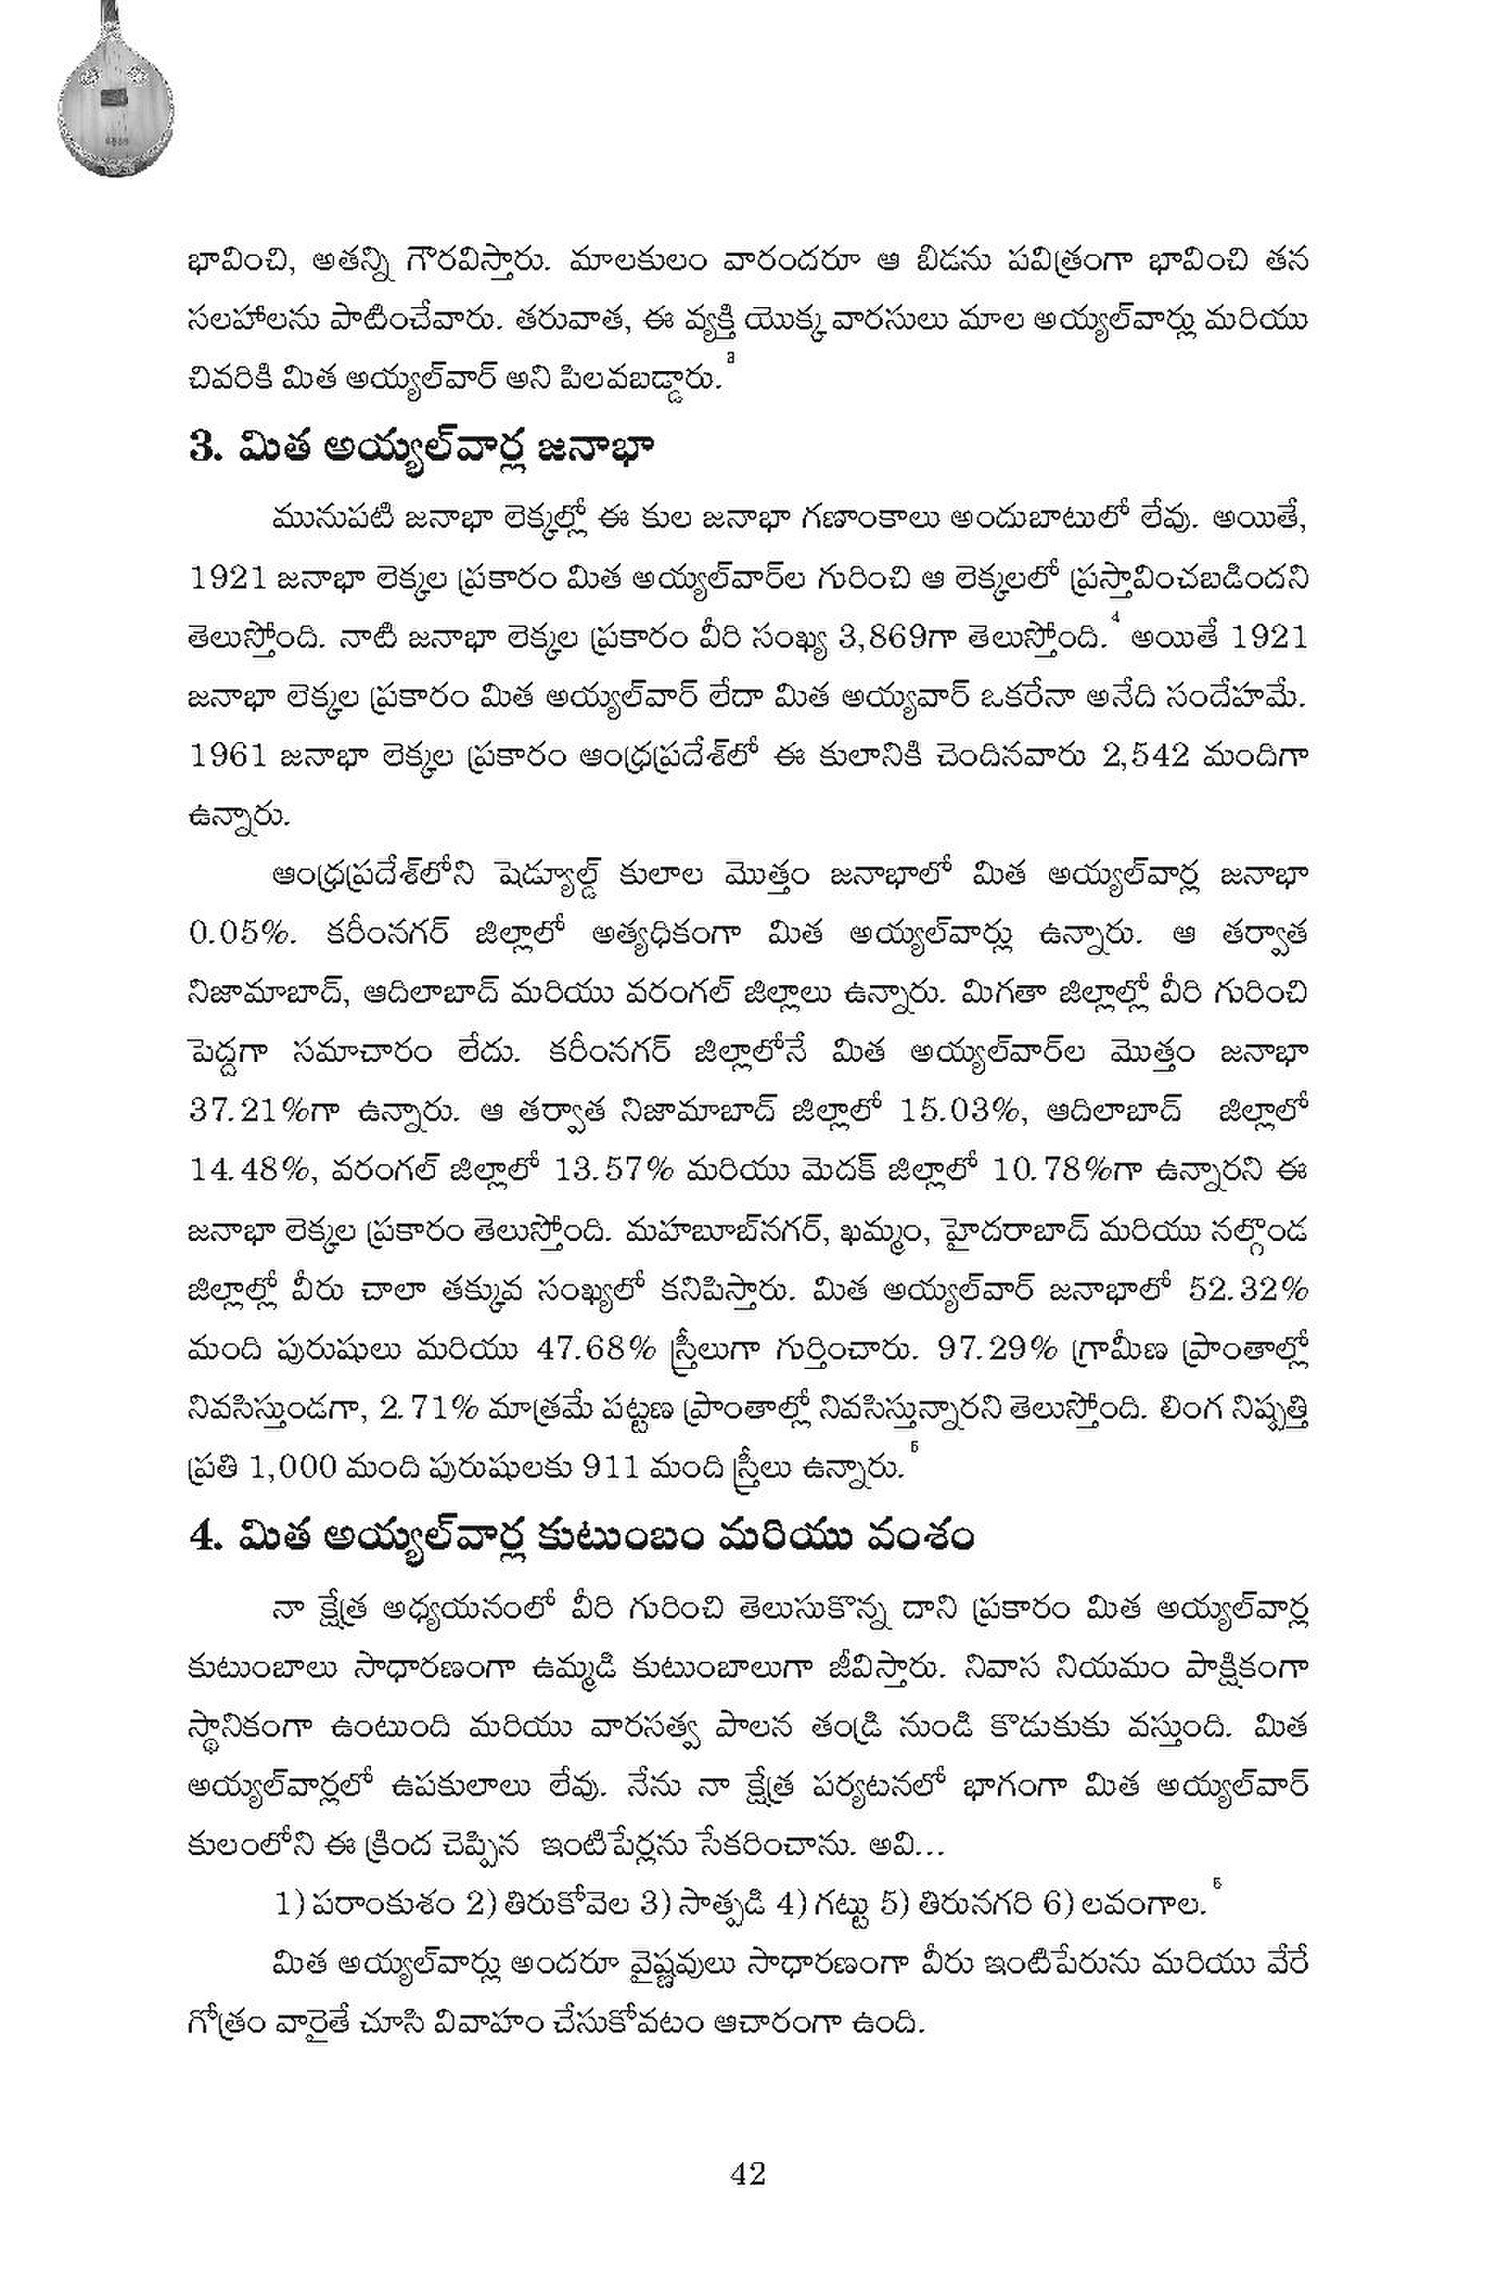భావించి, అతన్ని గౌరవిస్తారు. మాలకులం వారందరూ ఆ బిడను పవిత్రంగా భావించి తన సలహాలను పాటించేవారు. తరువాత, ఈ వ్యక్తి యొక్క వారసులు మాల అయ్యల్వార్లు మరియు చివరికి మిత అయ్యల్వార్ అని పిలవబడ్డారు.3

3. మిత అయ్యల్వార్ల జనాభా 

మునుపటి జనాభా లెక్కల్లో ఈ కుల జనాభా గణాంకాలు అందుబాటులో లేవు. అయితే, 1921 జనాభా లెక్కల ప్రకారం మిత అయ్యల్వార్ల గురించి ఆ లెక్కలలో ప్రస్తావించబడిందని తెలుస్తోంది. నాటి జనాభా లెక్కల ప్రకారం వీరి సంఖ్య 3,869గా తెలుస్తోంది4. అయితే 1921 జనాభా లెక్కల ప్రకారం మిత అయ్యల్వార్ లేదా మిత అయ్యవార్ ఒకరేనా అనేది సందేహమే. 1961 జనాభా లెక్కల ప్రకారం ఆంధ్రప్రదేశ్లో ఈ కులానికి చెందినవారు 2,542 మందిగా
ఉన్నారు.

ఆంధ్రప్రదేశ్లోని షెడ్యూల్డ్ కులాల మొత్తం జనాభాలో మిత అయ్యల్వార్ల జనాభా 0.05%. కరీంనగర్ జిల్లాలో అత్యధికంగా మిత అయ్యల్వార్లు ఉన్నారు. ఆ తర్వాత నిజామాబాద్, ఆదిలాబాద్ మరియు వరంగల్ జిల్లాలు ఉన్నారు. మిగతా జిల్లాల్లో వీరి గురించి పెద్దగా సమాచారం లేదు. కరీంనగర్ జిల్లాలోనే మిత అయ్యల్వార్ల మొత్తం జనాభా 37.21%గా ఉన్నారు. ఆ తర్వాత నిజామాబాద్ జిల్లాలో 15.03%, ఆదిలాబాద్ జిల్లాలో 14.48%, వరంగల్ జిల్లాలో 13.57% మరియు మెదక్ జిల్లాలో 10.78%గా ఉన్నారని ఈ జనాభా లెక్కల ప్రకారం తెలుస్తోంది. మహబూబ్ నగర్, ఖమ్మం, హైదరాబాద్ మరియు నల్గొండ
జిల్లాల్లో వీరు చాలా తక్కువ సంఖ్యలో కనిపిస్తారు. మిత అయ్యల్వార్ జనాభాలో 52.32% మంది పురుషులు మరియు 47.68% స్త్రీలుగా గుర్తించారు. 97.29% గ్రామీణ ప్రాంతాల్లో నివసిస్తుండగా, 2. 71% మాత్రమే పట్టణ ప్రాంతాల్లో నివసిస్తున్నారని తెలుస్తోంది. లింగ నిష్పత్తి ప్రతి 1,000 మంది పురుషులకు 911 మంది స్త్రీలు ఉన్నారు.5

4. మిత అయ్యల్వార్ల కుటుంబం మరియు వంశం 

నా క్షేత్ర అధ్యయనంలో వీరి గురించి తెలుసుకొన్న దాని ప్రకారం మిత అయ్యల్వార్ల కుటుంబాలు సాధారణంగా ఉమ్మడి కుటుంబాలుగా జీవిస్తారు. నివాస నియమం పాక్షికంగా స్థానికంగా ఉంటుంది మరియు వారసత్వ పాలన తండ్రి నుండి కొడుకుకు వస్తుంది. మిత అయ్యల్వార్లలో ఉపకులాలు లేవు. నేను నా క్షేత్ర పర్యటనలో భాగంగా మిత అయ్యల్వార్
కులంలోని ఈ క్రింద చెప్పిన ఇంటిపేర్లను సేకరించాను. అవి...

1) పరాంకుశం 2) తిరుకోవెల 3) సాత్పడి 4) గట్టు 5) తిరునగరి 6) లవంగాల.6

మిత అయ్యల్వార్లు అందరూ వైష్ణవులు సాధారణంగా వీరు ఇంటిపేరును మరియు వేరే గోత్రం వారైతే చూసి వివాహం చేసుకోవటం ఆచారంగా ఉంది.